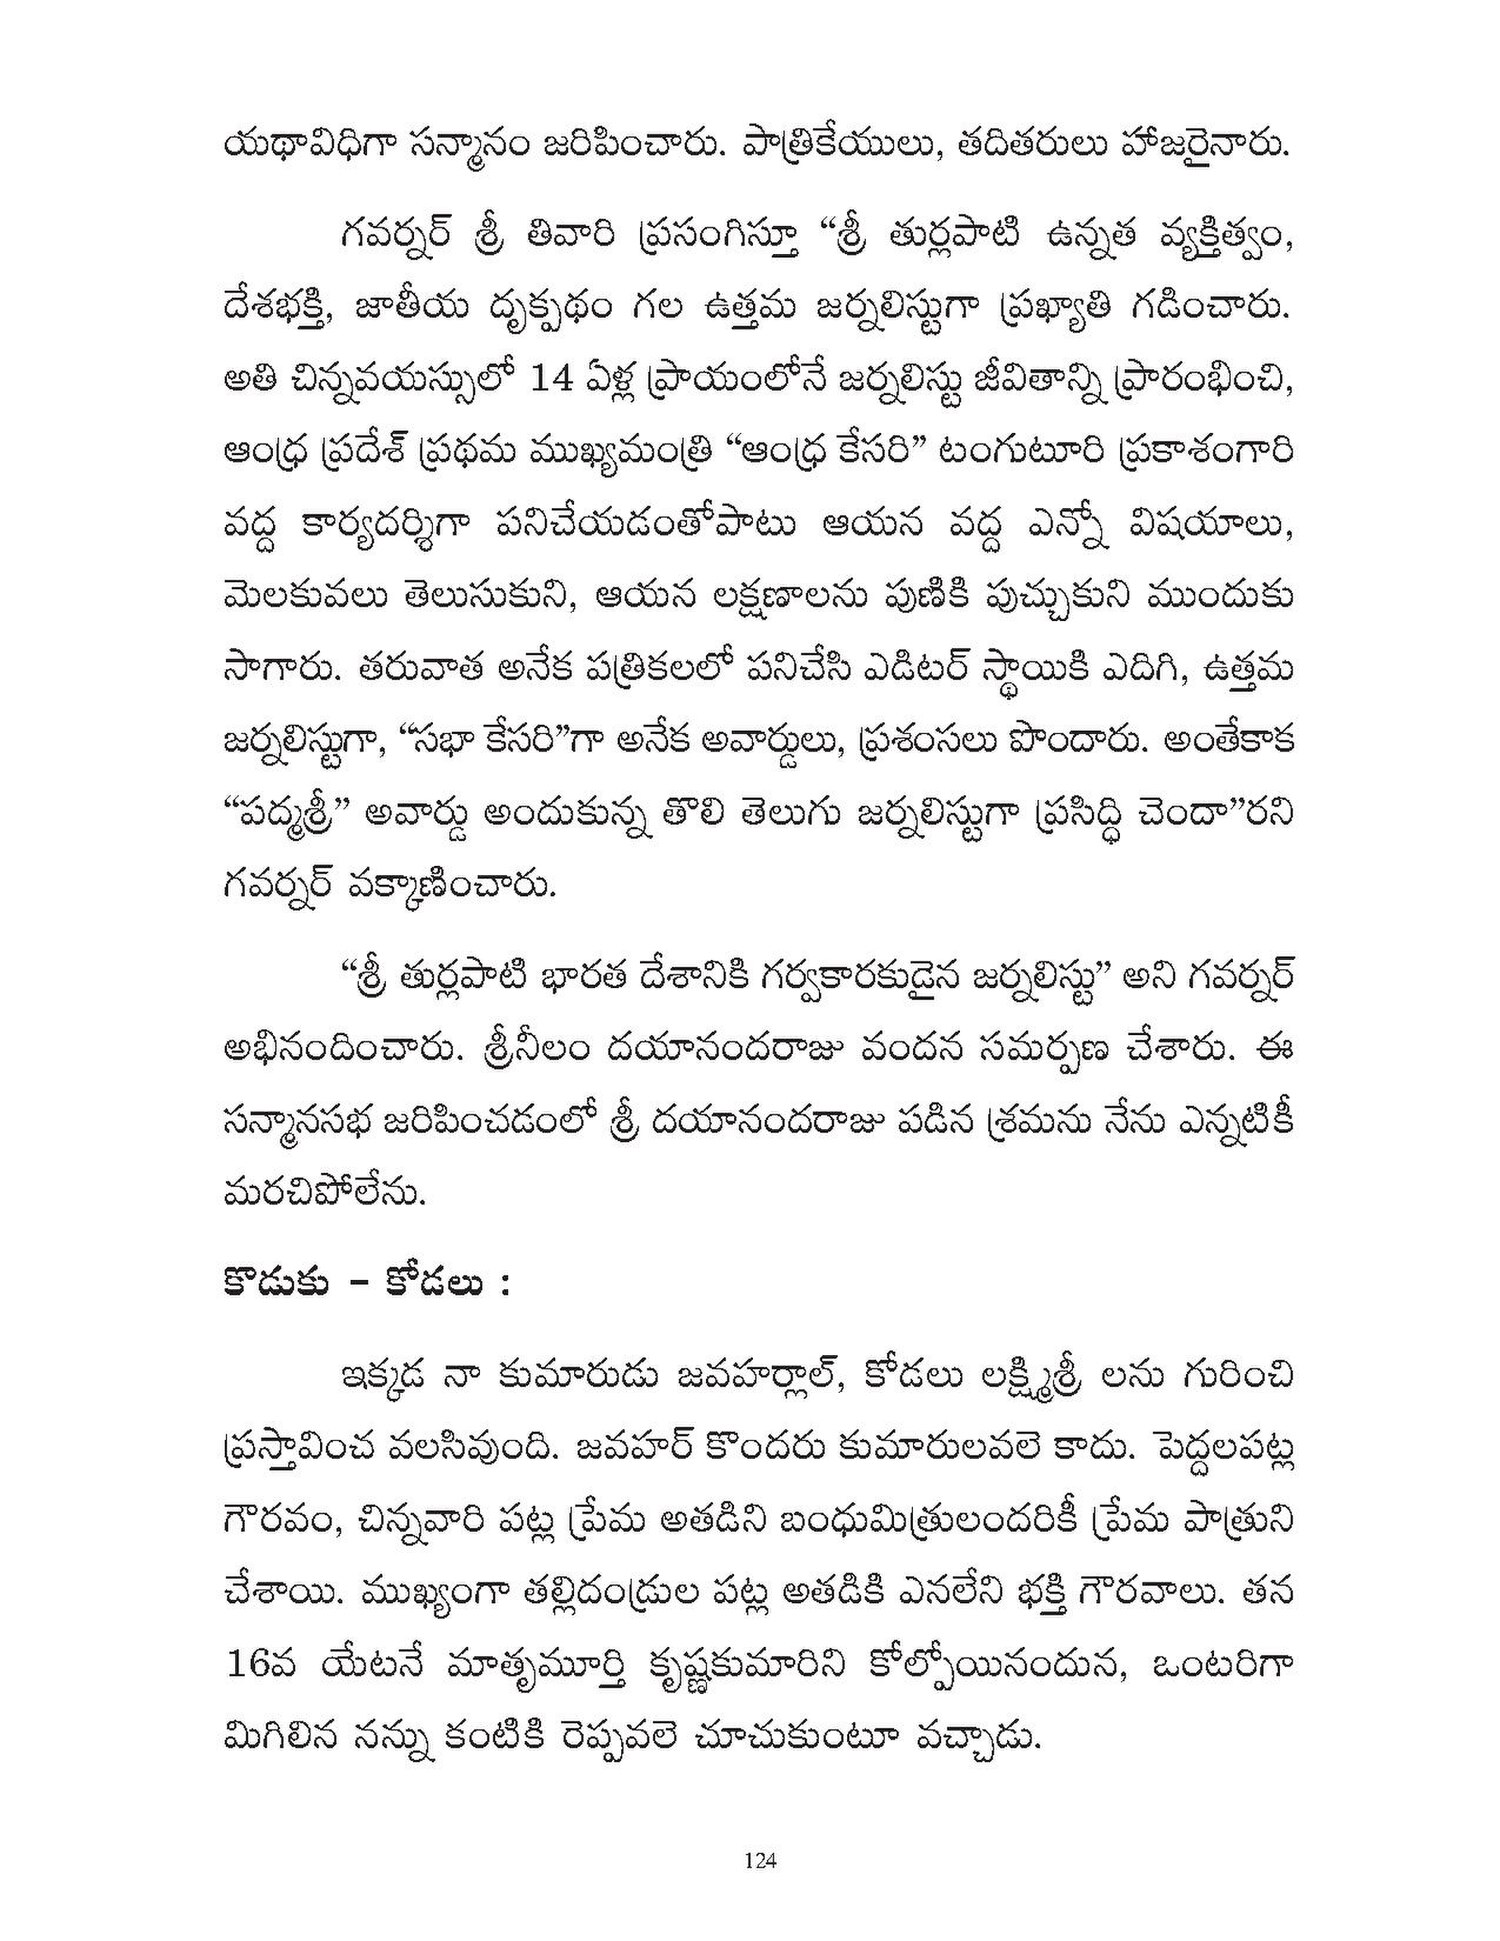యథావిధిగా సన్మానం జరిపించారు. పాత్రికేయులు, తదితరులు హాజరైనారు.

గవర్నర్‌ శ్రీ తివారి ప్రసంగిస్తూ "శ్రీ తుర్లపాటి ఉన్నత వ్యక్తిత్వం,
దేశభక్తి, జాతీయ దృక్పథం గల ఉత్తమ జర్నలిస్టుగా ప్రఖ్యాతి గడించారు.
అతి చిన్నవయస్సులో 14 ఏళ్ల ప్రాయంలోనే జర్నలిస్టు జీవితాన్ని ప్రారంభించి,
ఆంధ్ర ప్రదేశ్‌ ప్రథమ ముఖ్యమంత్రి "ఆంధ్ర కేసరి" టంగుటూరి ప్రకాశంగారి
వద్ద కార్యదర్శిగా పనిచేయడంతోపాటు ఆయన వద్ద ఎన్నో విషయాలు,
మెలకువలు తెలుసుకుని, ఆయన లక్షణాలను పుణికి పుచ్చుకుని ముందుకు
సాగారు. తరువాత అనేక పత్రికలలో పనిచేసి ఎడిటర్‌ స్థాయికి ఎదిగి, ఉత్తమ
జర్నలిస్టుగా, "సభా కేసరి"గా అనేక అవార్డులు, ప్రశంసలు పొందారు. అంతేకాక
"పద్మశ్రీ" అవార్డు అందుకున్న తొలి తెలుగు జర్నలిస్టుగా ప్రసిద్ధి చెందా"రని
గవర్నర్‌ వక్కాణించారు.

"శ్రీ తుర్లపాటి భారత దేశానికి గర్వకారకుడైన జర్నలిస్టు" అని గవర్నర్‌
అభినందించారు. శ్రీనీలం దయానందరాజు వందన సమర్పణ చేశారు. ఈ
సన్మానసభ జరిపించడంలో శ్రీ దయానందరాజు పడిన శ్రమను నేను ఎన్నటికీ
మరచిపోలేను.

కొడుకు - కోడలు :

ఇక్కడ నా కుమారుడు జవహర్లాల్‌, కోడలు లక్ష్మిశ్రీ లను గురించి
ప్రస్తావించ వలసివుంది. జవహర్‌ కొందరు కుమారులవలె కాదు. పెద్దలపట్ల
గౌరవం, చిన్నవారి పట్ల ప్రేమ అతడిని బంధుమిత్రులందరికీ ప్రేమ పాత్రుని
చేశాయి. ముఖ్యంగా తల్లిదండ్రుల పట్ల అతడికి ఎనలేని భక్తి గౌరవాలు. తన
16వ యేటనే మాతృమూర్తి కృష్ణకుమారిని కోల్పోయినందున, ఒంటరిగా
మిగిలిన నన్ను కంటికి రెప్పవలె చూచుకుంటూ వచ్చాడు.